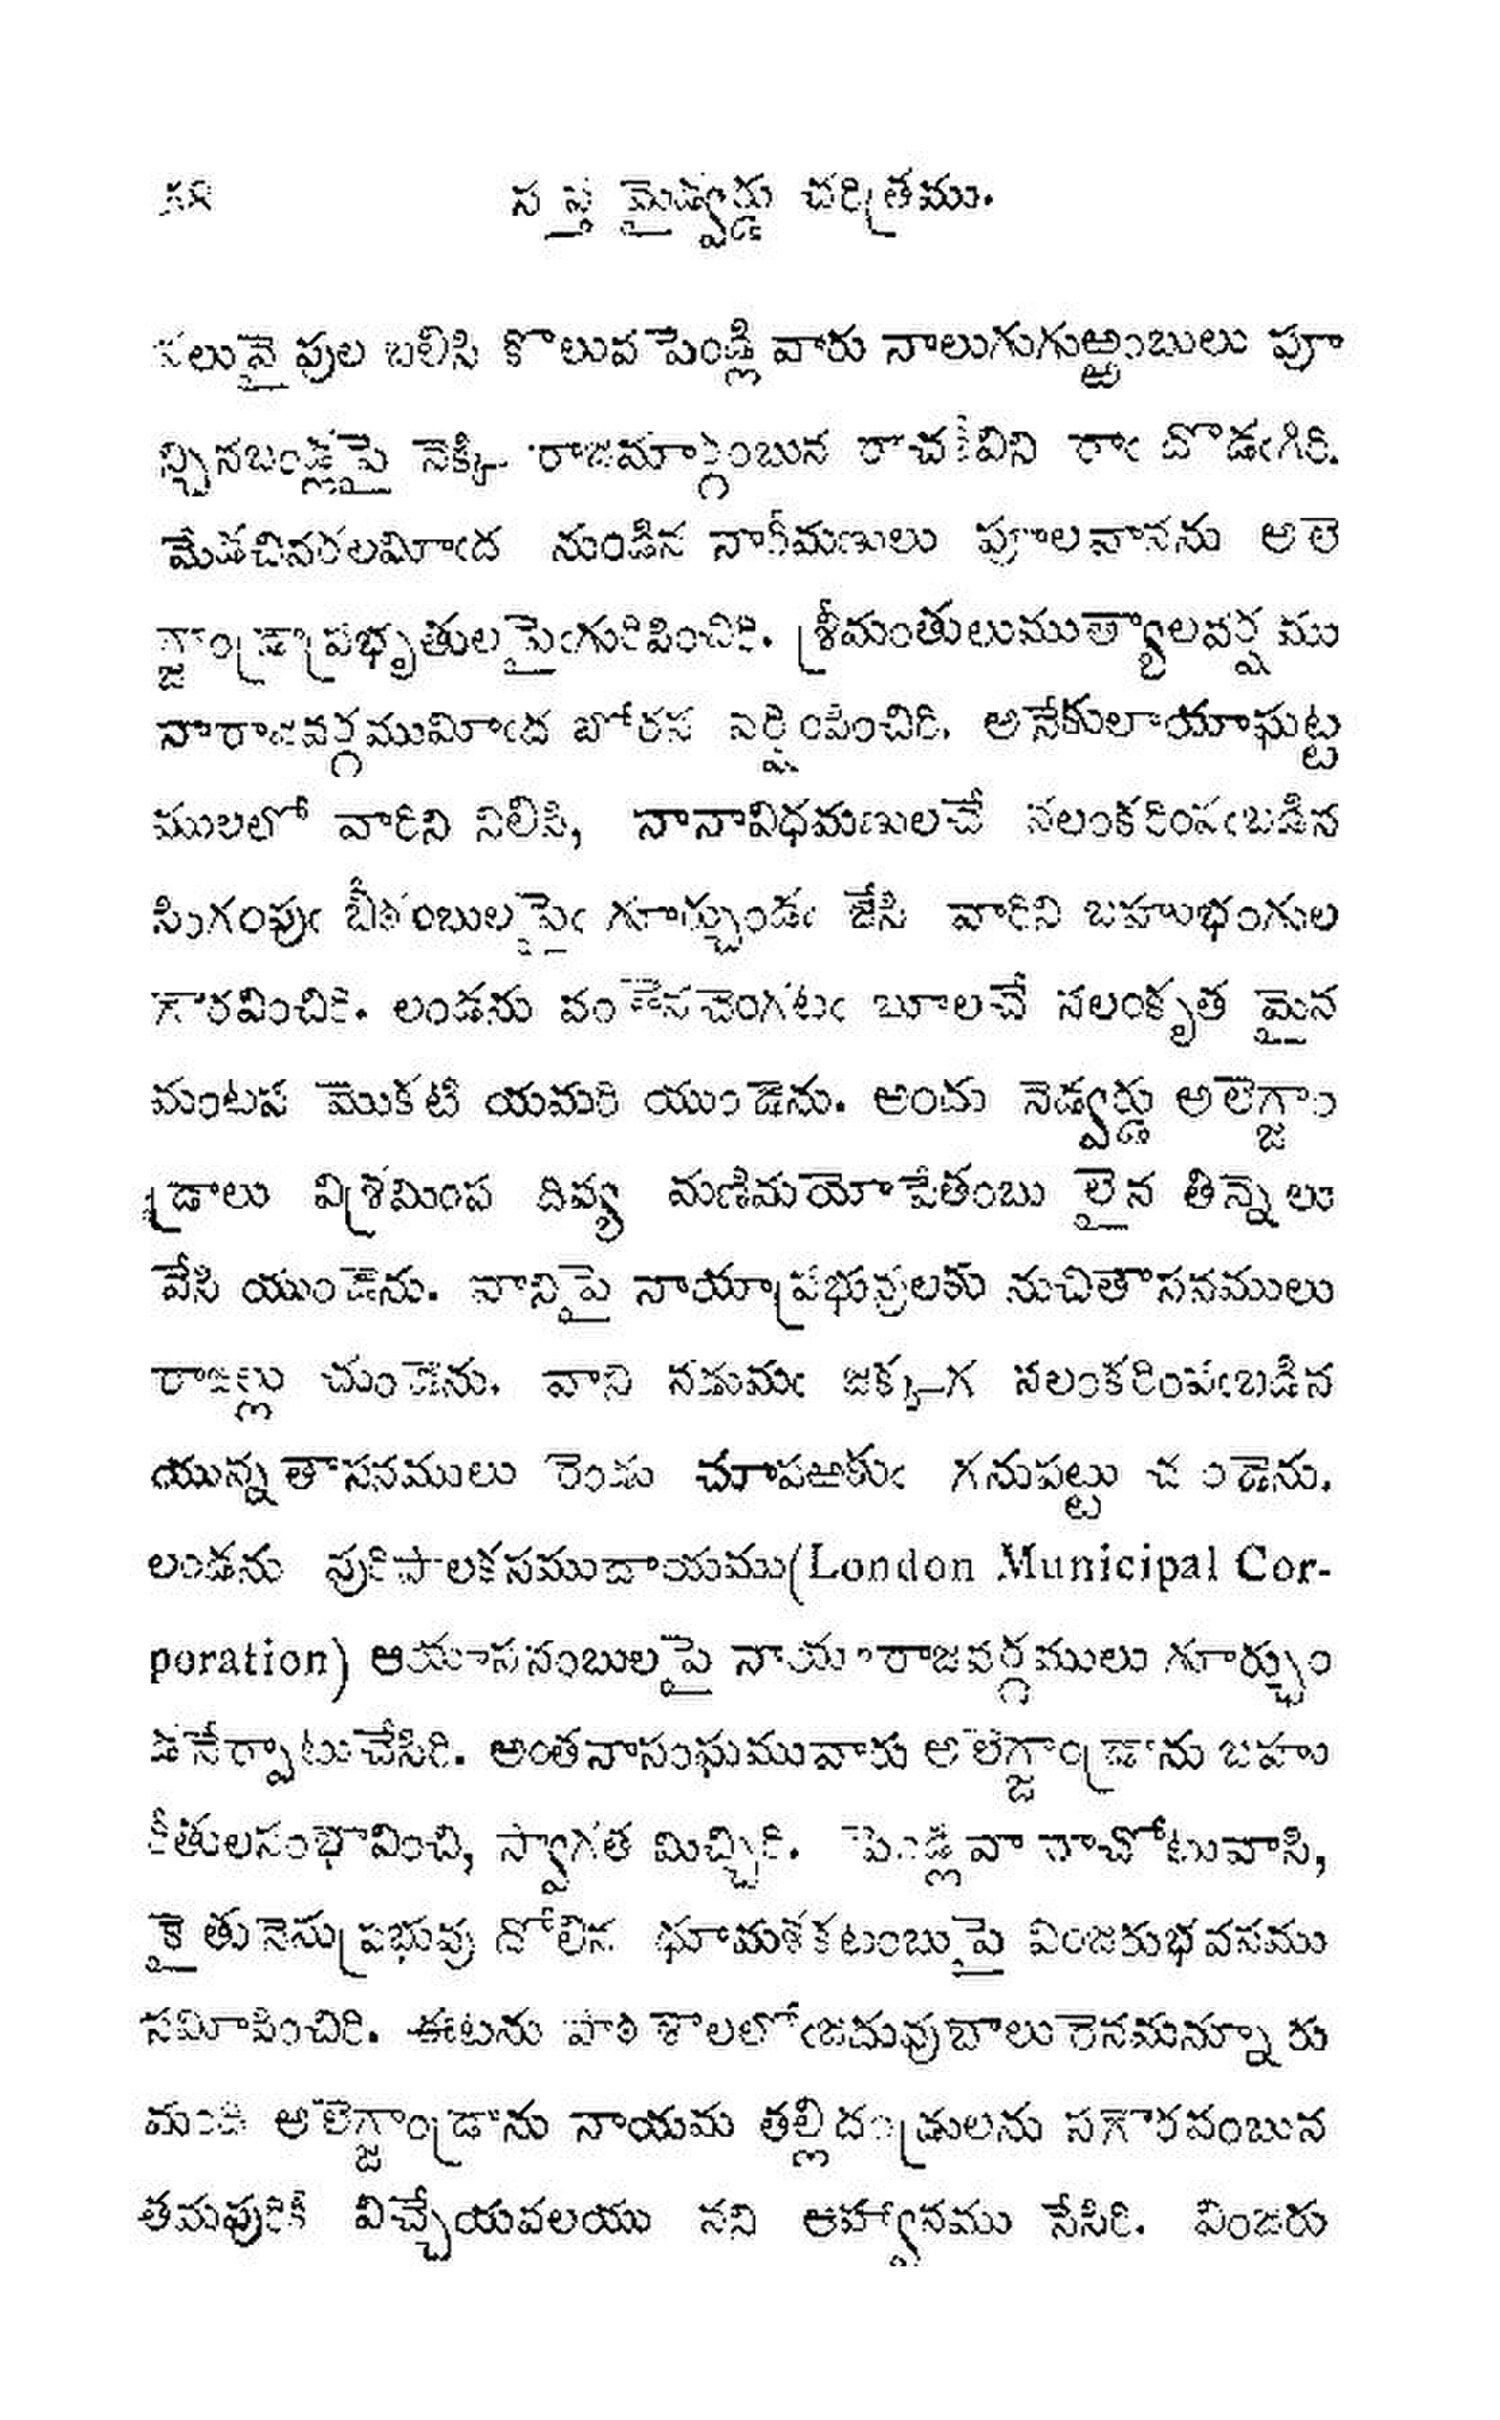నలునై పుల బలిసి కొలువ పెండ్లి వారు నాలుగు గుఱ్ఱంబులు పూన్చీన బండ్లపై నెక్కి. 'రాజు మార్గంబున రాచ ఠీవినిరా బొడగిరి.మేడ చివరలమీఁద నుండిన నారీమణులు పూలవానను అలె
గ్జాండ్రా ప్రభృతుల పై గురిపించిరి , శ్రీమంతులు ముత్యాల వర్షమునారాజ మార్గము మీఁద బోరస వర్షింపించిరి, అనేకులా యాఘట్టములలో వారిని నిలిపి, నానావిధమణులచే నలంకరింపబడిన
సింగంపు బీఠముల పైఁ గూర్చుండఁ జేసి వారిని బహుభంగులగౌరవించి. లండను వంతెన చెంగట బూలచే నలంకృత మైనమంటప మొకటి యమరి యుండెను. అందు నెడ్వర్డు అలెగ్జాం
డ్రాలు విశ్రమింప దివ్య మణిమయో పేతంబు లైన తిన్నెలువేసి యుండెను. వాని పై నాయాప్రభువులకు నుచితాసనములు రాజల్లు చుండెను. వాని నడుమఁ జక్కగ నలంకరింపండిన
యున్న తాసనములు రెండు చూపఱుకు గనుపట్టు చుండెను. లుడను పుర పాలక సముదాయము( Londlon Municipal Cor-poration) అయాసనంబుల పై నాయ" రాజవర్గములు గూర్చుం
డ నేర్పాటు చేసిరి. అంత నాసంఘమువారు ఆలగ్జాండ్రా ”ను బహురీతుల సంభావించి, స్వాగత మిచ్చిరి. పెండ్లి వారాచోటువాసి, కైతునెసు ప్రభువు దోలిన. ధూమశకటంబుపై వింజరుభవసము
సమీ పించిరి. ఈటను పాఠశాలలో జదువు బాలు రెనమన్నూరుమంది ఆగ్జాండ్రా"ను నాయమ తల్లి దండ్రులను సగౌరసంబున తమపురికి విచ్చేయవలయు నని ఆహ్వానము సేసిరి. వింజురు